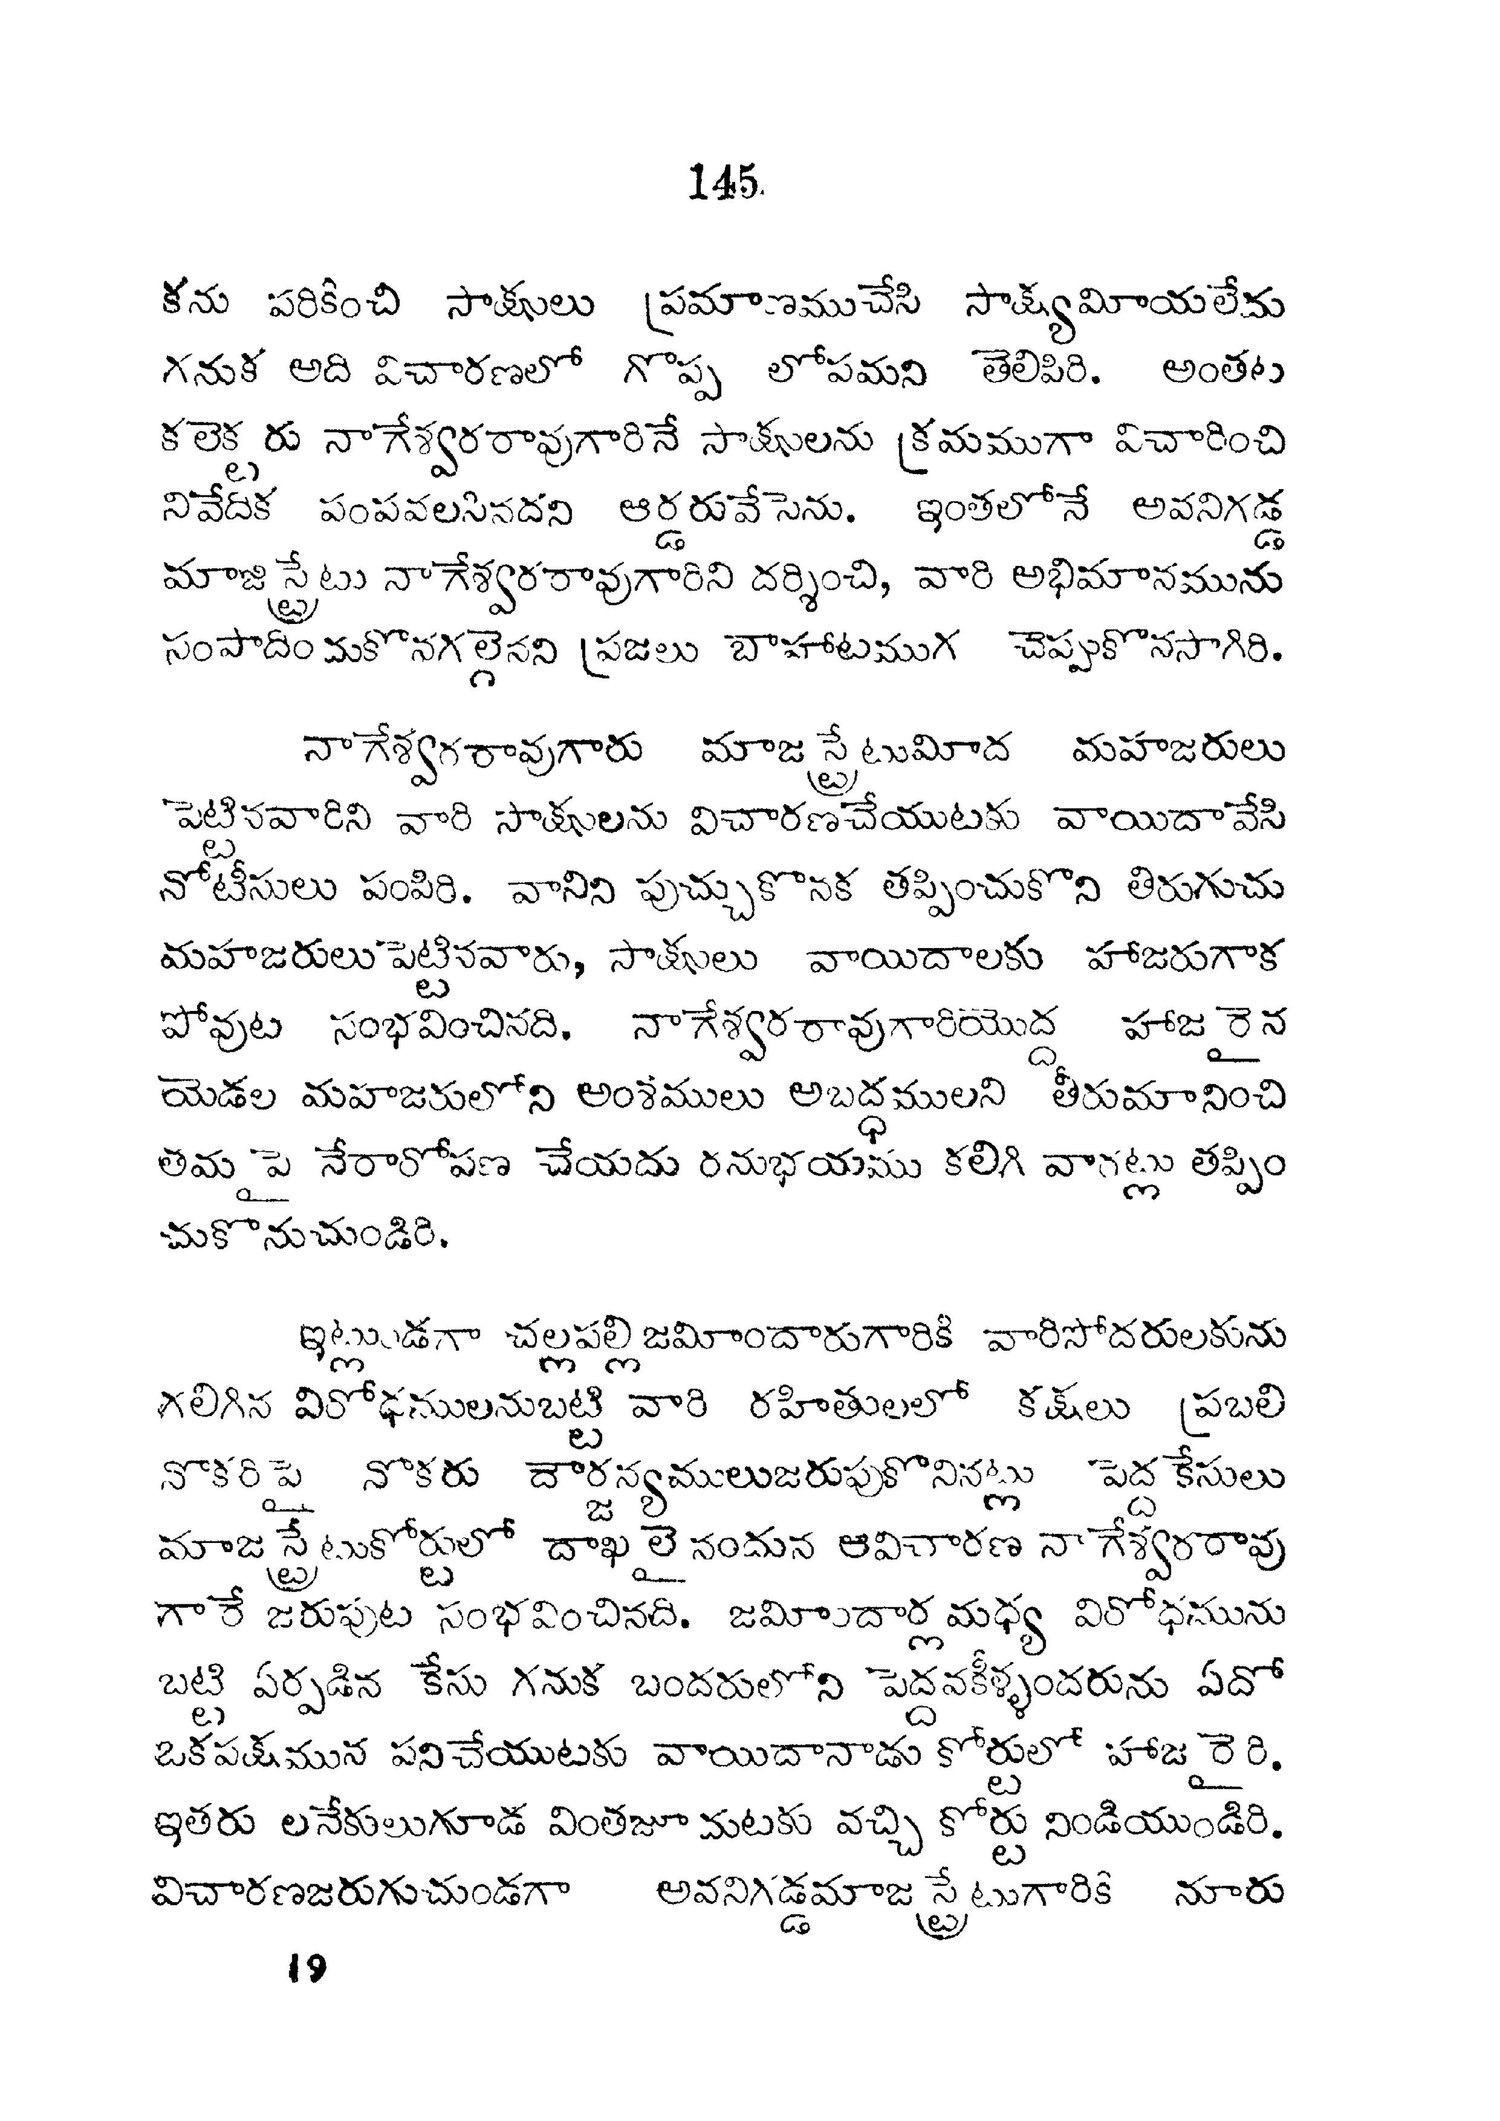కను పరికించి సాక్షులు ప్రమాణముచేసి సాక్ష్యమీయలేదు గనుక అది విచారణలో గొప్ప లోపమని తెలిపిరి. అంతట కలెక్టరు నాగేశ్వరరావుగారినే సాక్షులను క్రమముగా విచారించి నవేదిక పంపవలసినదని ఆర్డరువేసెను. ఇంతలోనే అవనిగడ్డ మాజిస్ట్రేటు నాగేశ్వరరావుగారిని దర్శించి, వారి అభిమానమును సంపాదించుకొనగల్గెనని ప్రజలు బాహాటముగ చెప్పుకొనసాగిరి.

నాగేశ్వరరావుగారు మాజస్ట్రేటుమీద మహజరులు పెట్టినవారిని వారి సాక్షులను విచారణచేయుటకు వాయిదావేసి నోటీసులు పంపిరి. వానిని పుచ్చుకొనక తప్పించుకొని తిరుగుచు మహజరులుపెట్టినవారు, సాక్షులు వాయిదాలకు హాజరుగాక పోవుట సంభవించినది. నాగేశ్వరరావుగారియొద్ద హాజరైన యెడల మహజరులోని అంశములు అబద్ధములని తీరుమానించి తమపై నేరారోపణ చేయుదు రనుభయము కలిగి వారట్లు తప్పించుకొనుచుండిరి.

ఇట్లుండగా చల్లపల్లి జమీందారుగారికి వారిసోదరులకును గలిగిన విరోధములనుబట్టి వారి రహితులలో కక్షలు ప్రబలి నొకరిపై నొకరు దౌర్జన్యములుజరుపుకొనినట్లు పెద్దకేసులు మాజస్ట్రేటుకోర్టులో దాఖలైనందున ఆవిచారణ నాగేశ్వరరావుగారే జరుపుట సంభవించినది. జమీందార్లమధ్య విరోధమును బట్టి ఏర్పడిన కేసు గనుక బందరులోని పెద్దవకీళ్ళందరును ఏదో ఒకపక్షమున పనిచేయుటకు వాయిదానాడు కోర్టులో హాజరైరి. ఇతరు లనేకులుగూడ వింతజూచుటకు వచ్చి కోర్టు నిండియుండిరి. విచారణజరుగుచుండగా అవనిగడ్డమాజస్ట్రేటుగారికి నూరు